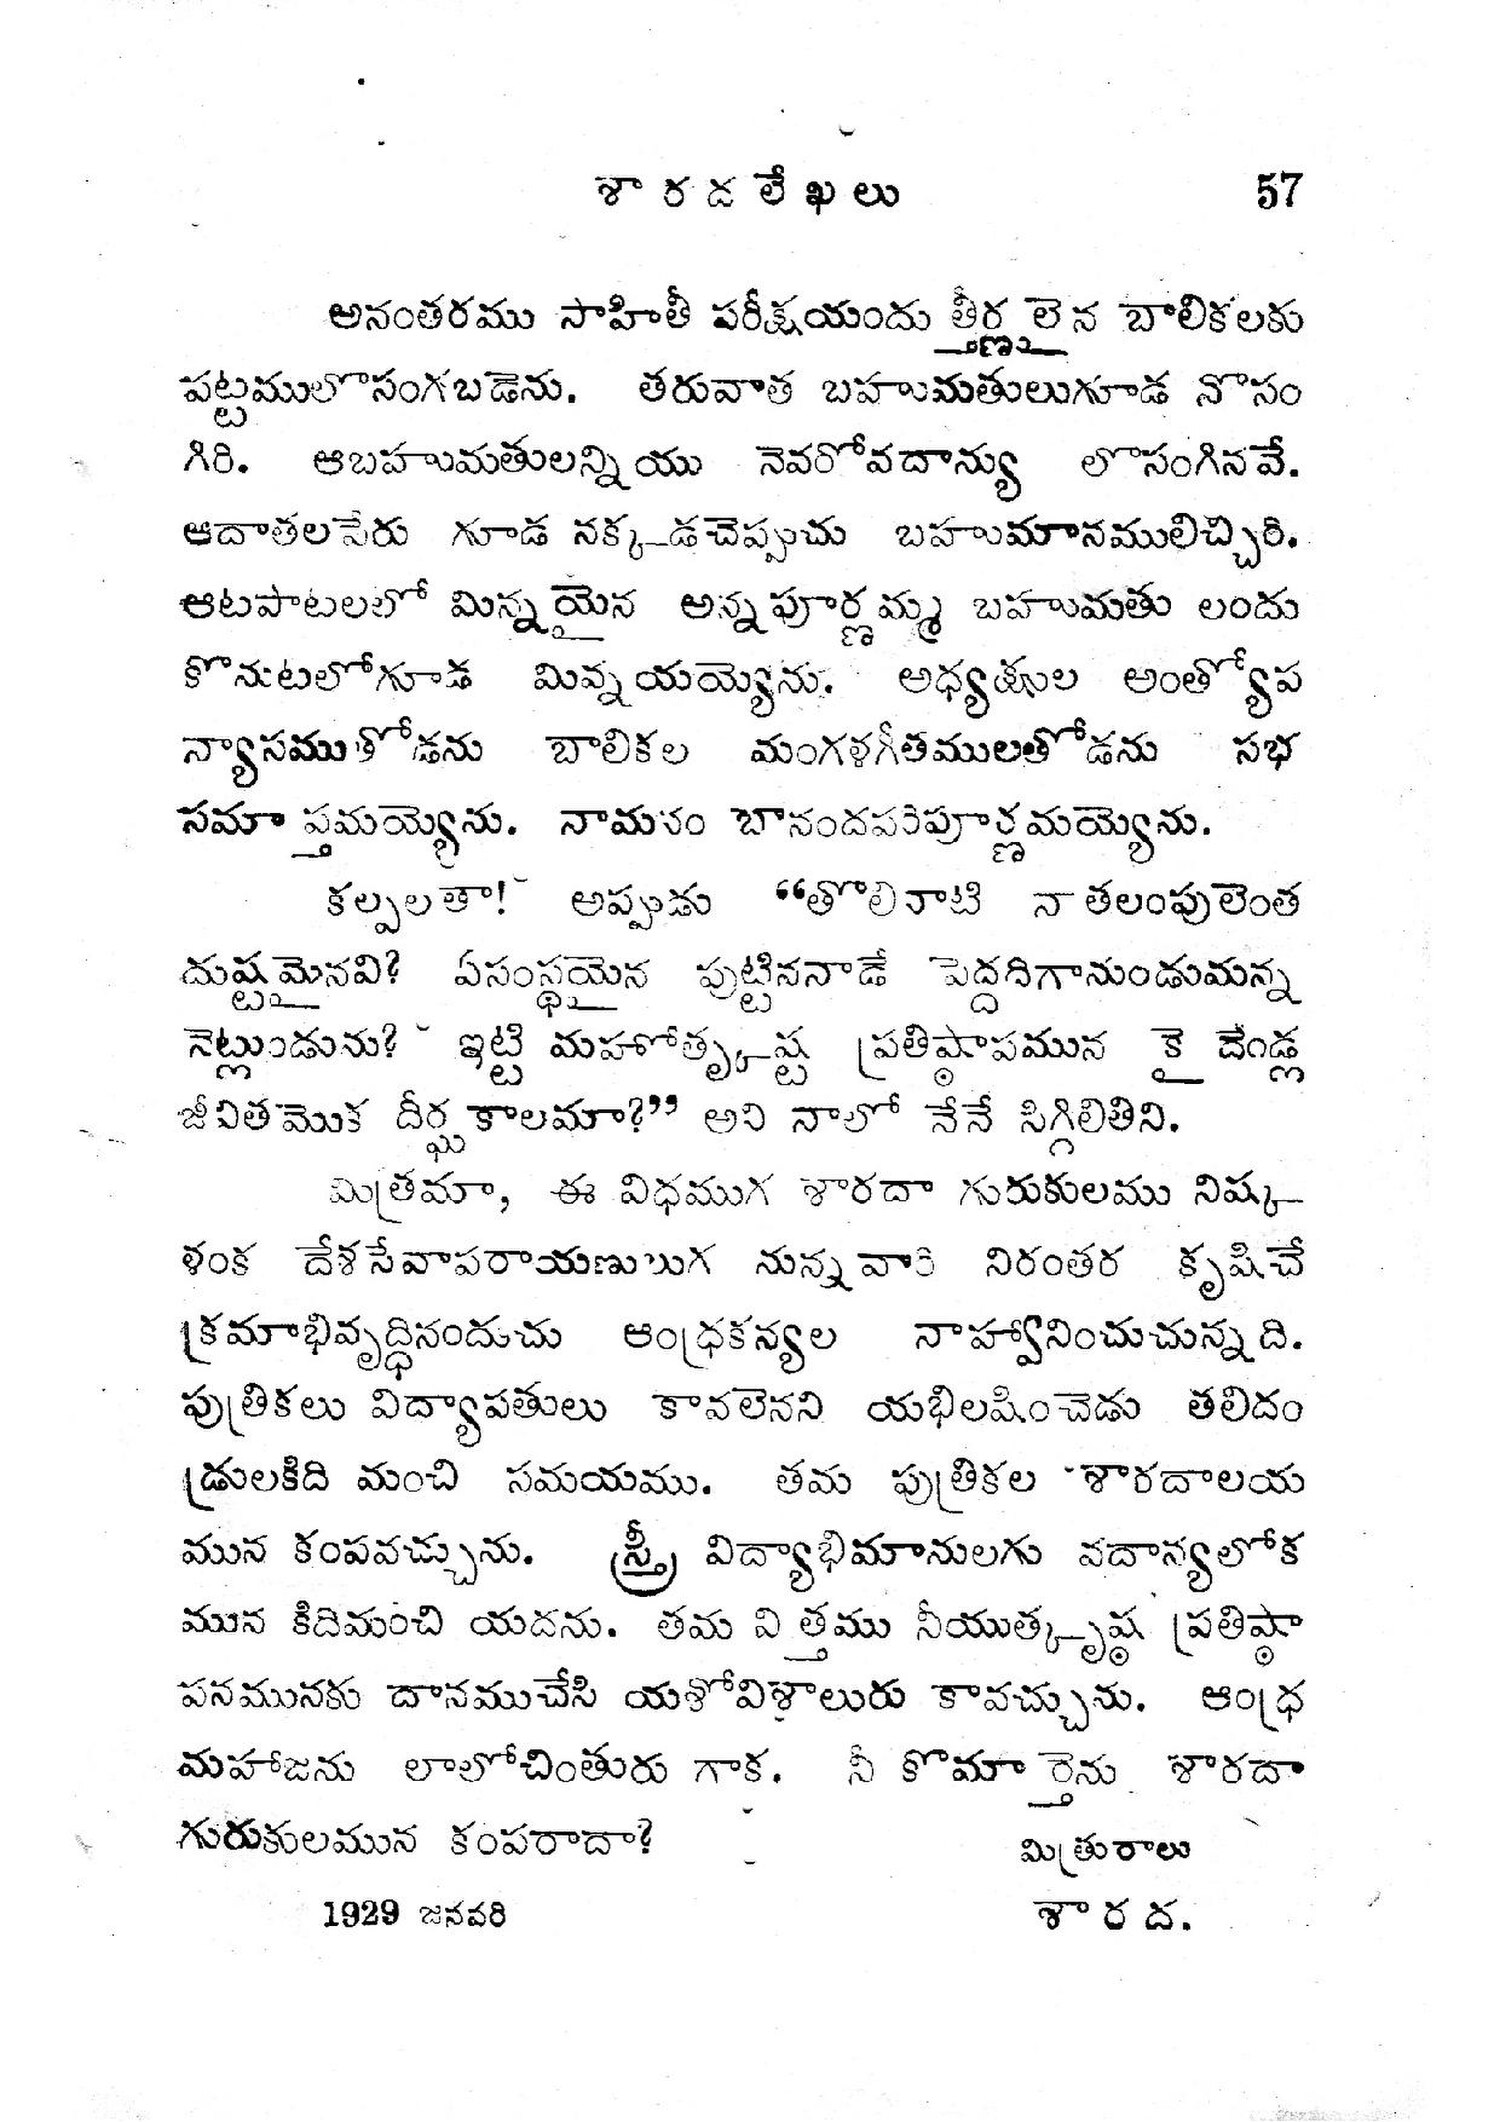అనంతరము సాహితీ పరీక్షయందుత్తీర్ణలైన బాలికలకు పట్టములొసంగబడెను. తరువాత బహుమతులుగూడ నొసంగిరి. ఆబహుమతులన్నియు నెవరోవదాన్యు లొసంగినవే. ఆదాతలపేరు గూడ నక్కడచెప్పుచు బహుమానములిచ్చిరి. ఆటపాటలలో మిన్నయైన అన్నపూర్ణమ్మ బహుమతు లందుకొనుటలోగూడ మిన్నయయ్యెను. అధ్యక్షుల అంత్యోపన్యాసముతోడను బాలికల మంగళగీతములతోడను
సభసమాప్తమయ్యెను. నామనం బానందపరిపూర్ణమయ్యెను.

కల్పలతా! అప్పుడు “తొలినాటి నాతలంపులెంత దుష్టమైనవి? ఏసంస్థయైన పుట్టిననాడే పెద్దదిగానుండుమన్న నెట్లుండును? ఇట్టి మహోత్కృష్ట ప్రతిష్ఠాపమున కై దేండ్ల జీవితమొక దీర్ఘకాలమా?" అని నాలో నేనే సిగ్గిలితిని.

మిత్రమా, ఈ విధముగ శారదా గురుకులము నిష్కళంక దేశసేవాపరాయణులుగ నున్నవారి నిరంతర కృషిచే
క్రమాభివృద్ధినందుచు ఆంధ్రకన్యల నాహ్వానించుచున్నది. పుత్రికలు విద్యాపతులు కావలెనని యభిలషించెడు తలిదండ్రులకిది మంచి సమయము. తమ పుత్రికల శారదాలయమున కంపవచ్చును. స్త్రీ విద్యాభిమానులగు వదాన్యలోకమున కిదిమంచి యదను. తమ విత్తము నీయుత్కృష్ఠ ప్రతిష్ఠాపనమునకు దానముచేసి యశోవిశాలురు కావచ్చును. ఆంధ్రమహాజను లాలోచింతురు గాక. నీ కొమార్తెను శారదా 
గురుకులమున కంపరాదా?